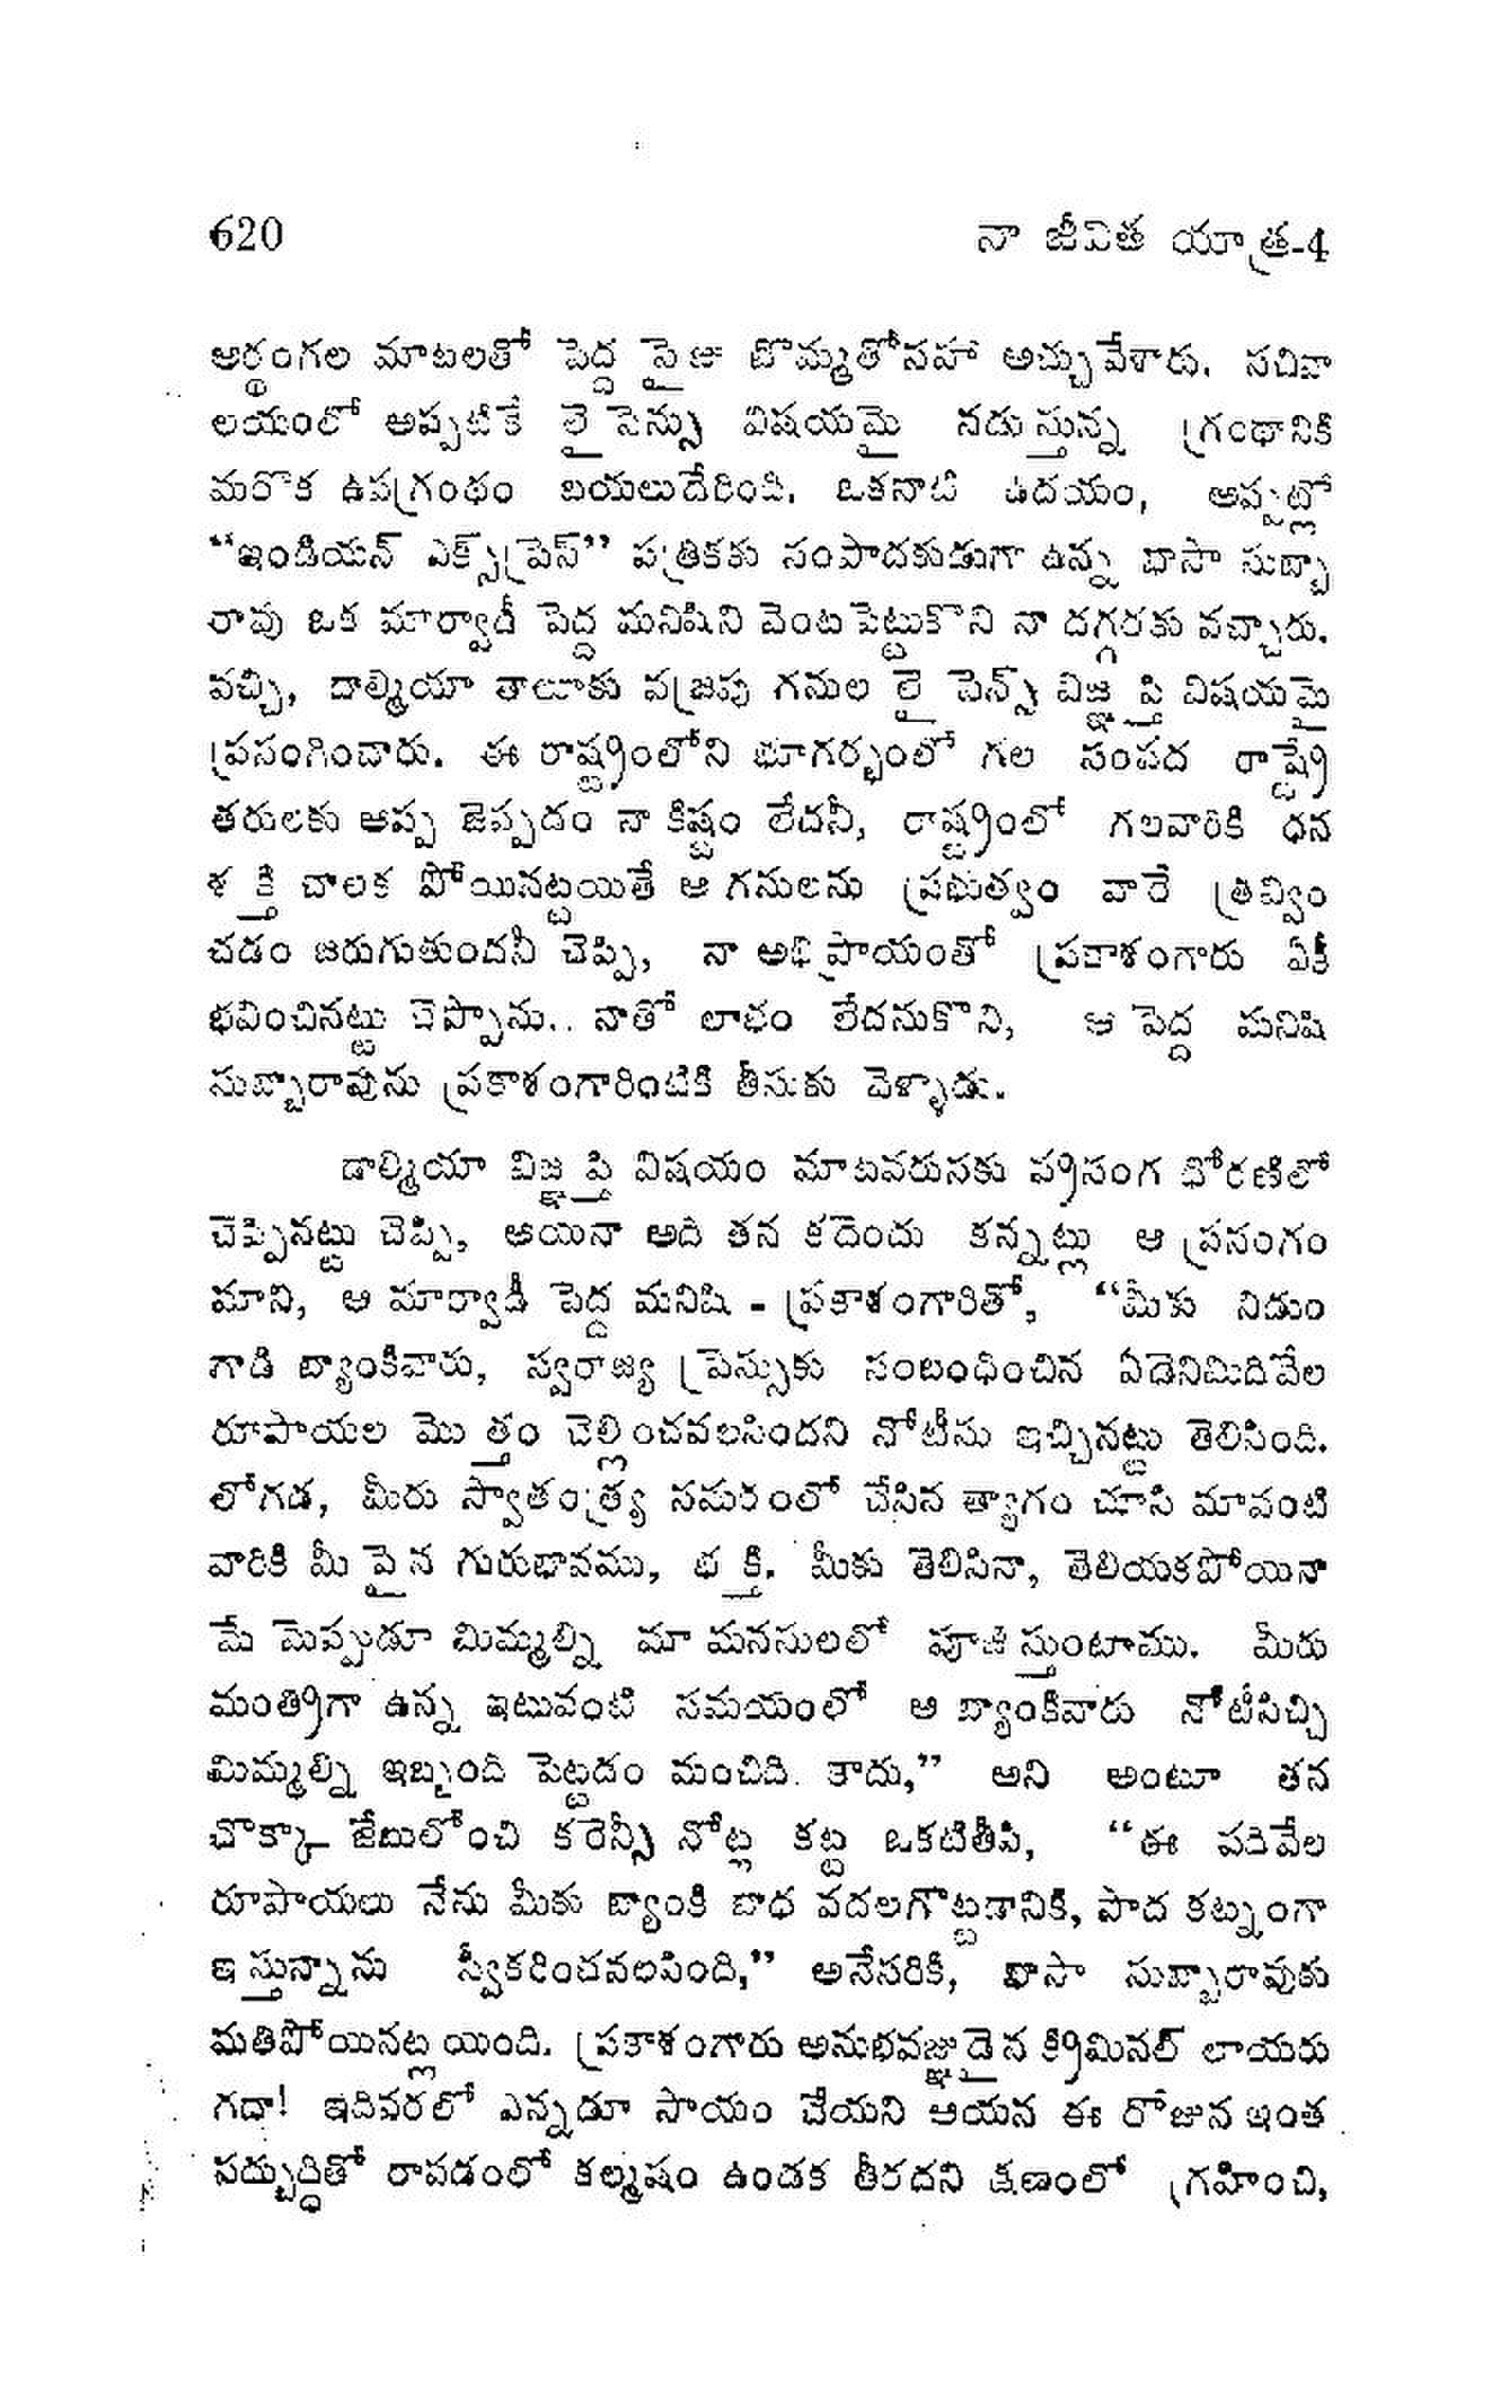అర్థంగల మాటలతో పెద్ద సైజు బొమ్మతోసహా అచ్చువేశారు. సచివాలయంలో అప్పటికే లైసెన్సు విషయమై నడుస్తున్న గ్రంథానికి మరొక ఉపగ్రంథం బయలుదేరింది. ఒకనాటి ఉదయం, అప్పట్లో "ఇండియన్ ఎక్స్‌ప్రెస్" పత్రికకు సంపాదకుడుగా ఉన్న ఖాసా సుబ్బారావు ఒక మార్వాడీ పెద్ద మనిషిని వెంటబెట్టుకొని నా దగ్గరకు వచ్చారు. వచ్చి, డాల్మియా తాలూకు వజ్రపు గనుల లైసెన్స్ విజ్ఞప్తి విషయమై ప్రసంగించారు. ఈ రాష్ట్రంలోని భూగర్భంలో గల సంపద రాష్ట్రేతరులకు అప్ప జెప్పడం నా కిష్టం లేదనీ, రాష్ట్రంలో గలవారికి ధనశక్తి చాలక పోయినట్టయితే ఆ గనులను ప్రభుత్వం వారే త్రవ్వించడం జరుగుతుందనీ చెప్పి, నా అభిప్రాయంతో ప్రకాశంగారు ఏకీభవించినట్టు చెప్పాను. నాతో లాభం లేదనుకొని, ఆ పెద్ద మనిషి సుబ్బారావును ప్రకాశం గారింటికి తీసుకు వెళ్ళాడు.

డాల్మియా విజ్ఞప్తి విషయం మాటవరుసకు ప్రసంగ ధోరణిలో చెప్పినట్టు చెప్పి, అయినా అది తన కదెందు కన్నట్లు ఆ ప్రసంగం మాని, ఆ మార్వాడీ పెద్ద మనిషి - ప్రకాశంగారితో, "మీకు నిడుంగాడి బ్యాంకివారు, స్వరాజ్య ప్రెస్సుకు సంబంధించిన ఏడెనిమిదివేల రూపాయల మొత్తం చెల్లించవలసిందని నోటీసు ఇచ్చినట్టు తెలిసింది. లోగడ, మీరు స్వాతంత్ర్య సమరంలో చేసిన త్యాగం చూసి మావంటి వారికి మీ పైన గురుభావము, భక్తి. మీకు తెలిసినా, తెలియక పోయినా మే మెప్పుడూ మిమ్మల్ని మా మనసులలో పూజిస్తుంటాము. మీరు మంత్రిగా ఉన్న ఇటువంటి సమయంలో ఆ బ్యాంకివారు నోటీసిచ్చి మిమ్మల్ని ఇబ్బంది పెట్టడం మంచిది కాదు," అని అంటూ తన చొక్కా జేబులోంచి కరెన్సీ నోట్ల కట్ట ఒకటితీసి, " ఈ పదివేల రూపాయలు నేను మీకు బ్యాంకి బాధ వదలగొట్టడానికి, పాద కట్నంగా ఇస్తున్నాను స్వీకరించవలసింది," అనేసరికి, భాసా సుబ్బారావుకు మతిపోయినట్లయింది. ప్రకాశంగారు అనుభవజ్ఞుడైన క్రిమినల్ లాయరు గదా! ఇదివరలో ఎన్నడూ సాయం చేయని ఆయన ఈ రోజున ఇంత సద్బుద్ధితో రావడంలో కల్మషం ఉండక తీరదని క్షణంలో గ్రహించి,